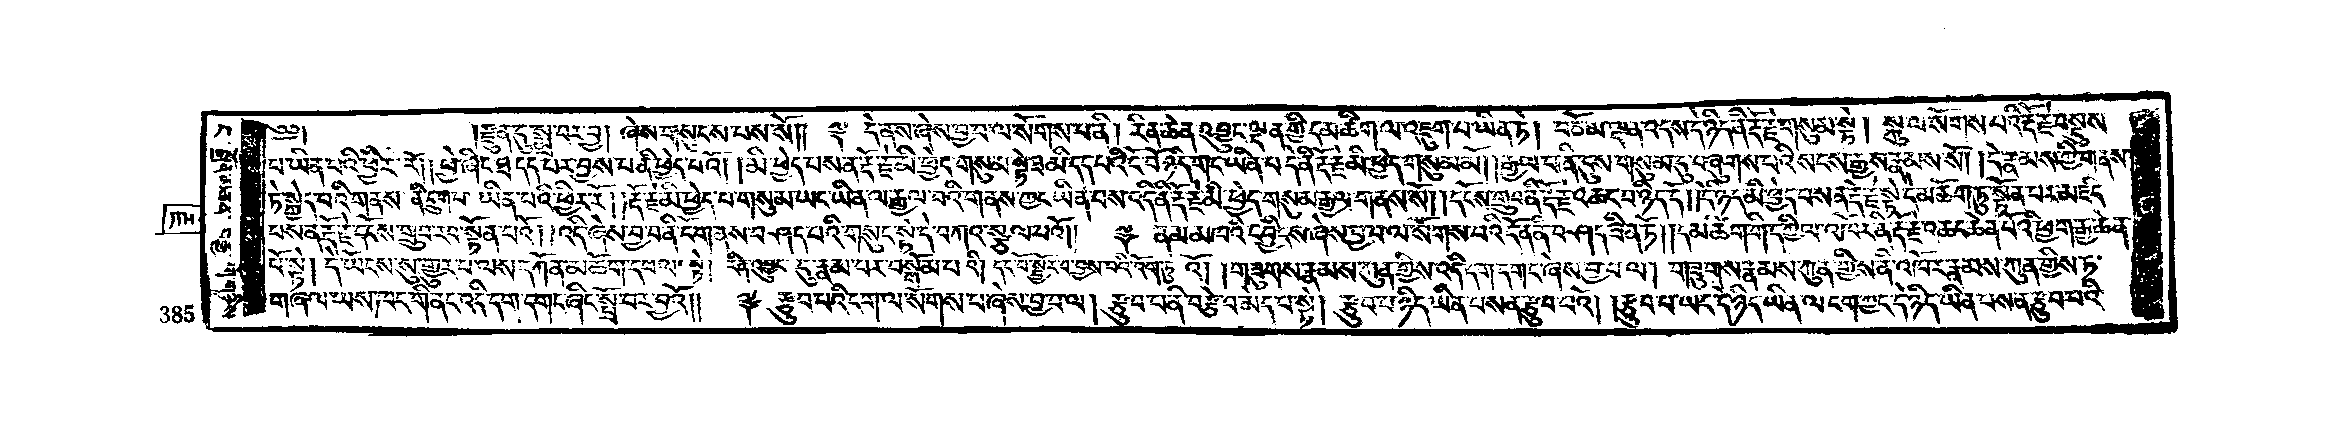༄༅། །རྫུན་དུ་སྨྲ་བར་བྱ། ཞེས་གསུངས་པས་སོ།། ༈ དེ་ནས་ཞེས་བྱ་བ་ལ་སོགས་པ་ནི། རིན་ཆེན་འབྱུང་ལྡན་གྱི་དམ་ཚིག་ལ་འཇུག་པ་ཡིན་ཏེ། བཅོམ་ལྡན་འདས་དེ་ཉིད་ནི་རྡོ་རྗེ་གསུམ་སྟེ། སྐུ་ལ་སོགས་པའི་རྡོ་རྗེ་བསྡུས་
པ་ཡིན་པའི་ཕྱིར་རོ། །ཕྱེ་ཞིང་ཐ་དད་པར་བྱས་པ་ནི་ཕྱེད་པའོ། །མི་ཕྱེད་པས་ན་རྡོ་རྗེ་མི་ཕྱེད་གསུམ་སྟེ་ཐ་མི་དད་པའི་ངོ་བོ་ཉིད་གང་ཡིན་པ་དེ་ནི་རྡོ་རྗེ་མི་ཕྱེད་གསུམ་མོ། །རྒྱལ་བ་ནི་དུས་གསུམ་དུ་བཞུགས་པའི་སངས་རྒྱས་རྣམས་སོ། །དེ་རྣམས་ཀྱི་གནས་
ཏེ་སྐྱེད་པའི་གནས་ནི་དྲུག་པ་ཡིན་པའི་ཕྱིར་རོ། །རྡོ་རྗེ་མི་ཕྱེད་པ་གསུམ་ཡང་ཡིན་ལ་རྒྱལ་བའི་གནས་ཀྱང་ཡིན་པས་འདི་ནི་རྡོ་རྗེ་མི་ཕྱེད་གསུམ་རྒྱལ་གནས་སོ། །དངོས་གྲུབ་ནི་རྡོ་རྗེ་འཚང་བ་ཉིད་དོ། །དེ་ཉིད་མི་ཕྱེད་པས་ན་རྡོ་རྗེ་སྟེ་དེ་མཆོག་ཏུ་སྟོན་པར་མཛད་
པས་ན་རྡོ་རྗེ་དངོས་གྲུབ་རབ་སྟོན་པའོ། །འདི་ཞེས་བྱ་བ་ནི་འོག་ནས་བཤད་པའི་གསུང་སྟེ་དེ་བཀའ་སྩལ་པའོ།། ༈ ནམ་མཁའི་དབྱིངས་ཞེས་བྱ་བ་ལ་སོགས་པའི་དོན་ནི་བཤད་ཟིན་ཏོ། །དམ་ཚིག་གི་དཀྱིལ་འཁོར་ནི་རྡོ་རྗེ་འཆང་ཆེན་པོའི་ཕྱག་རྒྱ་ཆེན་
པོ་སྟེ། དེ་ཡོངས་སུ་གྱུར་པ་ལས་དཀོན་མཆོག་དཔལ་སྟེ། རིན་འབྱུང་དུ་རྣམ་པར་བསྒོམ་པའི། དང་པོ་སྦྱོར་བ་བྱས་པའི་འོག་ཏུའོ། །གཟུགས་རྣམས་ཀུན་གྱིས་འདི་དག་དགོང་ཞེས་བྱ་བ་ལ། གཟུགས་རྣམས་ཀུན་གྱིས་ནི་འཁོར་རྣམས་ཀུན་གྱིས་ཏེ་
གཞལ་ཡས་ཁང་གི་ནང་འདི་དག་དགང་ཞིང་སྤྲོ་བར་བྱའོ།། ༈ རྩུབ་པའི་ངག་ལ་སོགས་པ་ཞེས་བྱ་བ་ལ། རྩུབ་པ་ནི་བརྩེ་བ་མེད་པ་སྟེ། རྩུབ་པ་ཉིད་ཡིན་པས་ན་རྩུབ་པའོ། །རྩུབ་པ་ཡང་དེ་ཉིད་ཡིན་ལ་ངག་ཀྱང་དེ་ཉིད་ཡིན་པས་ན་རྩུབ་པའི་